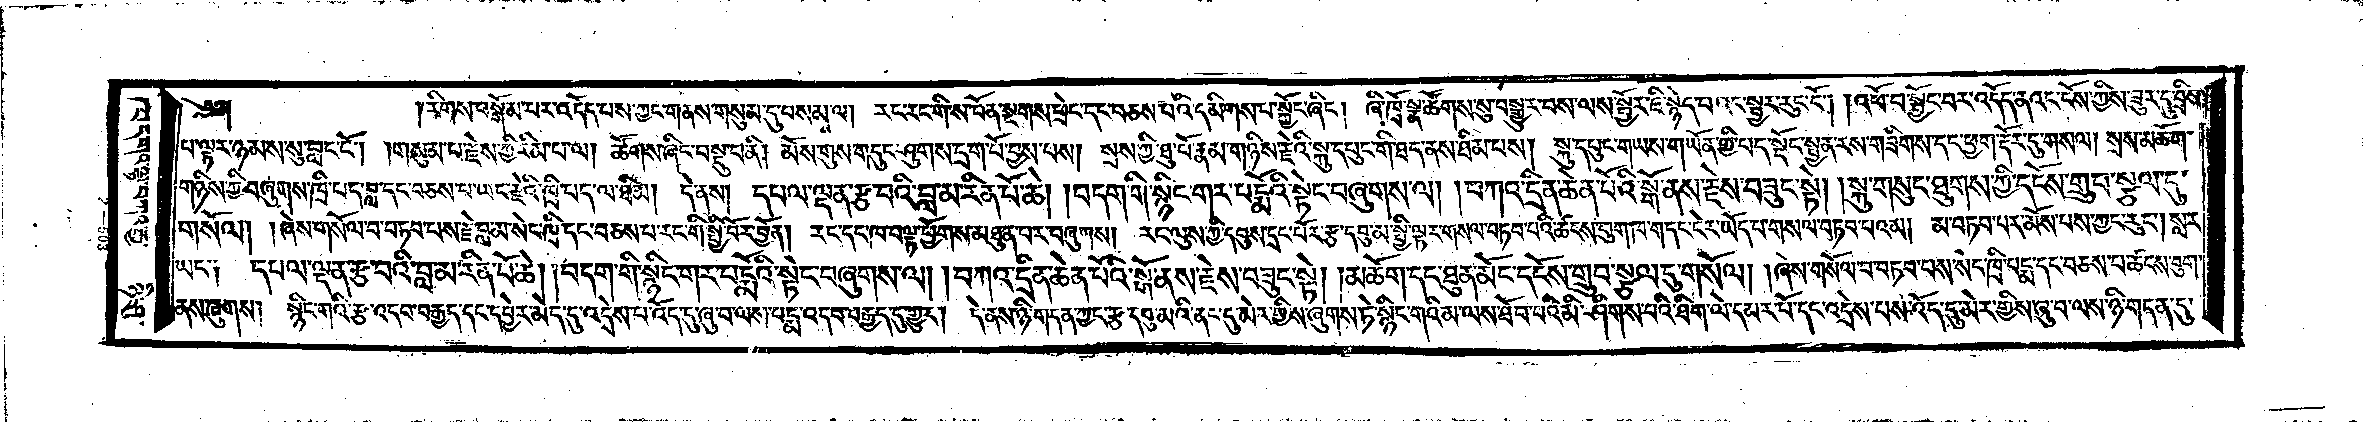༄༅། །རིགས་བསྒོམ་པར་འདོད་པས་ཀྱང་གནས་གསུམ་དུ་བསམས་ལ། རང་རང་གི་ས་བོན་སྔགས་ཕྲེང་དང་བཅས་པའི་དམིགས་པ་སྐྱོང་ཞིང་། ཞི་ཁྲོ་སྣ་ཚོགས་སུ་བསྒྱུར་བས་ལས་སྤྱོར་ཇི་སྙེད་པའང་སྦྱར་རུང་ངོ། །འཕོ་བ་སྦྱོང་བར་འདོད་ནའང་ངོས་ཀྱིས་ཟུར་དུ་བྲིས་
པ་ལྟར་ཉམས་སུ་བླང་ངོ། །གསུམ་པ་རྗེས་ཀྱི་རིམ་པ་ལ། ཚོགས་ཞིང་བསྡུ་བ་ནི། མོས་གུས་གདུང་ཤུགས་དྲག་པོ་བྱས་པས། སྲས་ཀྱི་ཐུ་པོ་རྣམ་གཉིས་རྗེའི་སྐུ་དཔུང་གི་ཐད་ནས་ཐིམ་པས། སྐུ་དཔུང་གཡས་གཡོན་གྱི་པད་སྡོང་སྤྱན་རས་གཟིགས་དང་ཕྱག་རྡོར་དུ་གསལ། སྲས་མཆོག་
གཉིས་ཀྱི་བཞུགས་ཁྲི་པད་བླ་དང་བཅས་པ་ཡང་རྗེའི་ཁྲི་པད་ལ་ཐིམ། དེ་ནས། དཔལ་ལྡན་རྩ་བའི་བླ་མ་རིན་པོ་ཆེ། །བདག་གི་སྙིང་གར་པདམོའི་སྟེང་བཞུགས་ལ། །བཀའ་དྲིན་ཆེན་པོའི་སྒོ་ནས་རྗེས་བཟུང་སྟེ། །སྐུ་གསུང་ཐུགས་ཀྱི་དངོས་གྲུབ་སྩལ་དུ་
གསོལ། །ཞེས་གསོལ་བ་བཏབ་པས་རྗེ་བླ་མ་སེང་ཁྲི་དང་བཅས་པ་རང་གི་སྤྱི་བོར་བྱོན། རང་དང་ཁ་བལྟ་ཕྱོགས་མཐུན་པར་བཞུགས། རང་ལུས་ཀྱི་དབུས་དྲང་པོར་རྩ་དབུ་མ་སྤྱི་ལྟར་གསལ་བཏབ་པའི་ཚངས་བུག་ཁ་གདང་ངེར་ཡོད་པ་གསལ་བཏབ་པའམ། མ་བཏབ་པར་མོས་པས་ཀྱང་རུང་། སླར་
ཡང༑ དཔལ་ལྡན་རྩ་བའི་བླ་མ་རིན་པོ་ཆེ། །བདག་གི་སྙིང་གར་པདམོའི་སྟེང་བཞུགས་ལ། །བཀའ་དྲིན་ཆེན་པོའི་སྒོ་ནས་རྗེས་བཟུང་སྟེ། །མཆོག་དང་ཐུན་མོང་དངོས་གྲུབ་སྩལ་དུ་གསོལ། །ཞེས་གསོལ་བ་བཏབ་པས་སེང་ཁྲི་པདམ་དང་བཅས་པ་ཚངས་བུག་
ནས་ཞུགས། སྙིང་གའི་རྩ་འདབ་བརྒྱད་དང་དབྱེར་མེད་དུ་འདྲེས་པ་འོད་དུ་ཞུ་བ་ལས་པདམ་འདབ་བརྒྱད་དུ་གྱུར། དེ་ནས་ཉི་གདན་ཀྱང་རྩ་དབུ་མའི་ནང་དུ་མེར་གྱིས་ཞུགས་ཏེ་སྙིང་གའི་མ་ལས་ཐོབ་པའི་མི་ཤིགས་པའི་ཐིག་ལེ་དམར་པོ་དང་འདྲེས་པས་འོད་དུ་མེར་གྱིས་ཞུ་བ་ལས་ཉི་གདན་དུ་